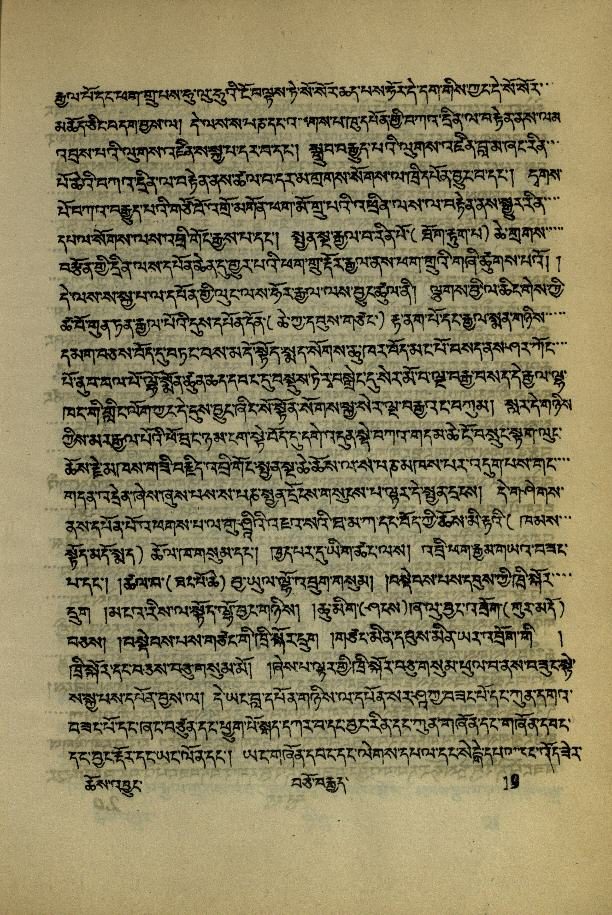རྒྱལ་པོ་དང་ཕག་གྲུ་པས་ཧུ་ལུ་ཧུའི་ངོ་བལྟས་ཏེ་སོ་སོར་ཆད་པས་ཧོར་དེ་དག་གིས་ཀྱང་དེ་སོ་སོར་
མཆོད་ཅིང་བདག་བྱས་ལ། དེ་ལས་ས་པཎ་དང་འཕགས་པ་ཁུ་དཔོན་གྱི་བཀའ་དྲིན་ལ་བརྟེན་ནས་ལམ་
འབྲས་པའི་ལུགས་འཛིན་ས་སྐྱ་པ་དར་བ་དང་། སྒྲུབ་བརྒྱུད་པའི་ལུགས་འཛིན་བླ་མ་ཞང་རིན་
པོ་ཆེའི་བཀའ་དྲིན་ལ་བརྟེན་ནས་ཚལ་བ་དར་མ་གྲགས་སོགས་ལ་ཁྲི་དཔོན་བྱུང་པ་དང་། དྭགས་
པོ་བཀའ་བརྒྱུད་པའི་གཙོ་བོ་འགྲོ་མགོན་ཕག་མོ་གྲུ་པའི་འཕྲིན་ལས་ལ་བརྟེན་ནས་སྒྱུར་རིན་
དཔལ་སོགས་ལས་འབྲི་གོང་རྒྱས་པ་དང་། སྤྱན་སྔ་རྒྱལ་པ་རིན་པོ་ཐོག་རྟུག་པ་ཆེ་གྲགས་
བརྩོན་གྱི་དྲིན་ལས་དཔོན་ཆེན་དུ་གྱུར་པའི་ཕག་གྲུ་རྡོར་རྒྱལ་ནས་ཕག་གྲུའི་གཞི་ཚུགས་པའོ། །
དེ་ལས་ས་སྐྱ་པ་ལ་དཔོན་གྱི་ལུང་ལས་ཧོར་རྒྱལ་ལས་བྱུང་ཚུལ་ནི། ལྕགས་བྱི་ལ་ཆིང་གེས་ཀྱི་
ཚ་བོ་གུན་ཏན་རྒྱལ་པོའི་དུས་དཔོན་དོན་ཆེ་ཀྱ་དབུས་གཙང་རྟ་ནག་པོ་དང་རྒྱལ་སྨན་གཉིས་
དམག་བཅས་བོད་དུ་བཏང་བས་མདོ་སྟོད་སྨད་སོགས་ཆུ་ཁར་བོད་མང་པོ་བསད་ནས་ཤར་ཀོང་
པོ་ནུབ་བལ་པོ་ལྷོ་སྨོན་ཚུན་ཆད་དབང་དུ་བསྡུས་ཏེ་རྭ་བསྒྲེང་དུ་སེར་མོ་བ་ལྔ་བརྒྱ་བསད་དེ་རྒྱལ་ལྷ་
ཁང་གི་གླིང་ལོག་ཀྱང་དེ་དུས་བྱུང་ཞིང་སོ་སྟོན་སོགས་སྐྱ་སེར་ལྔ་བརྒྱའང་བཀུམ། སླར་དེ་གཉིས་
ཀྱིས་མར་རྒྱལ་པོའི་ཕོ་བྲང་ཉམ་ངག་སྟེ་བོད་དུ་དགེ་འདུན་སྡེ་བཀའ་གདམ་ཆེ་ངོ་བསྲུང་སྟག་ལུང་
ཆོས་རྗེ་མཁས་གཟི་བརྗིད་འབྲི་གོང་སྤྱན་སྔ་ཆེ་ཆོས་ལ་ས་པཎ་མཁས་པར་འདུག་པས་གང་
གདན་འདྲེན་ཞེས་ཞུས་པས་ས་པཎ་སྤྱན་དྲོངས་གསུངས་པ་ལྟར་དེ་སྤྱན་དྲངས། དེ་གཤེགས་
ནས་དཔོན་པོ་འཕགས་པ་ལ་གུ་ཤྲཱིའི་འཇའ་སའི་ཐ་མ་ཀ་དང་བོད་ཀྱི་ཆོས་མི་རྟའི་ཁམས་
སྟོད་མདོ་སྨད་ཆོལ་ཁ་གསུམ་དང་། ཁྱད་པར་དུ་ཡིག་ཚང་ལས། འབྲི་ཕག་རྒྱམ་གཡའ་བཟང་
པ་དང་། །ཚལ་བ་ཐང་པོ་ཆེ་བྱ་ཡུལ་ལྷོ་འབྲུག་གསུམ། །བསྡེབས་པས་དབུས་ཀྱི་ཁྲི་སྐོར་
དྲུག །མངའ་རིས་ལ་སྟོད་ལྷོ་བྱང་གཉིས། །ཆུ་མིག་ཤངས་ཞ་ལུ་བྱང་འཕྲོག་གུར་མདོ
བཅས། །བསྡེབས་པས་གཙང་གི་ཁྲི་སྐོར་དྲུག །གཙང་མིན་དབུས་མིན་ཡར་འབྲོག་གི །
ཁྲི་སྐོར་དང་བཅས་བཅུ་གསུམ་མོ། །ཞེས་པ་ལྟར་གྱི་ཁྲི་སྐོར་བཅུ་གསུམ་ཕུལ་བ་ནས་བཟུང་སྟེ་
ས་སྐྱ་པས་དཔོན་བྱས་ལ། དེ་ཡང་བླ་དཔོན་གཉིས་ལ་དཔོན་སར་ཤཱཀྱ་བཟང་པོ་དང་ཀུན་དགའ་
བཟང་པོ་དང་ཞང་བཙུན་དང་ཕྱུག་པོ་སྒད་དཀར་བ་དང་བྱང་རིན་དང་ཀུན་གཞོན་དང་གཞོན་དབང་
དང་བྱང་རྡོར་དང་ཡང་ལོན་དང་། ཡང་གཞོན་དབང་དང་ལེགས་དཔལ་དང་སེངྒེ་དཔལ་དང་འོད་ཟེར་